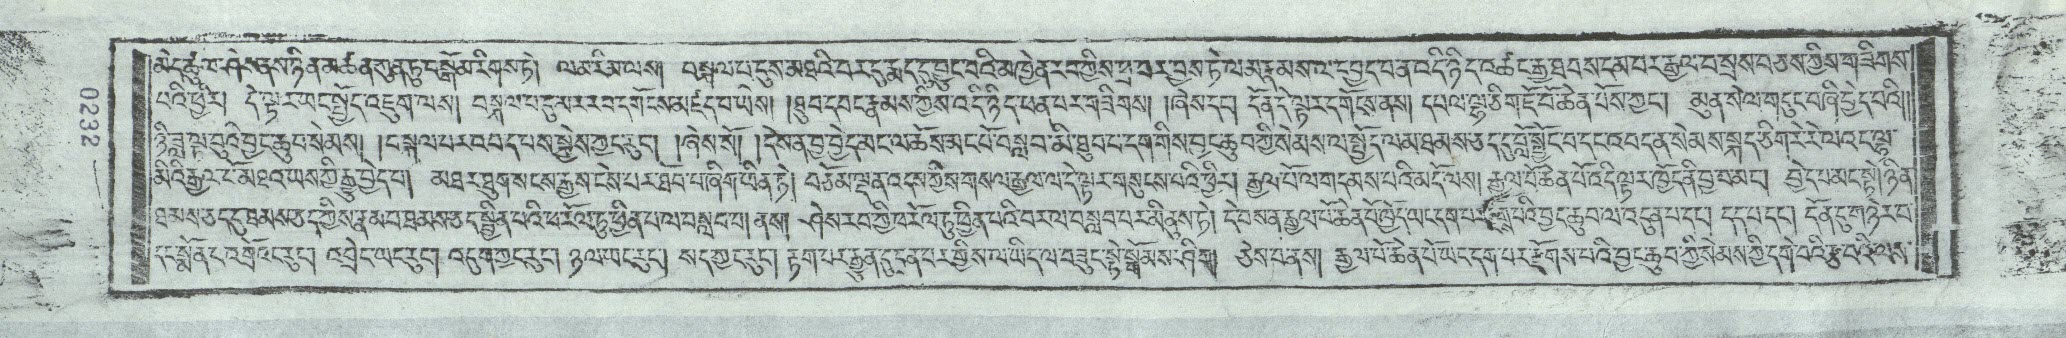མེད་ཚུལ་ཤེས་ནས་ཉིན་མཚན་ཀུན་ཏུ་བསྒོམ་རིགས་ཏེ། ལམ་རིམ་ལས། བསྐལ་པ་དུས་མཐའི་བར་དུ་རྨད་དུ་བྱུང་བའི་མཁྱེན་རབ་ཀྱིས་ཕྲ་བར་བྱས་ཏེ་ལམ་རྣམས་ལ་དཔྱད་པ་ན་འདི་ཉིད་འཚང་རྒྱ་ཐབས་དམ་པར་རྒྱལ་བ་སྲས་བཅས་ཀྱིས་གཟིགས་
པའི་ཕྱིར། དེ་ལྟར་ཡང་སྤྱོད་འཇུག་ལས། བསྐལ་པ་དུ་མར་རབ་དགོངས་མཛད་པ་ཡིས། །ཐུབ་དབང་རྣམས་ཀྱིས་འདི་ཉིད་ཕན་པར་གཟིགས། །ཞེས་དང་། དོན་དེ་ལྟར་དགོངས་ནས། དཔལ་ལྷ་ཅིག་ཇོ་བོ་ཆེན་པོས་ཀྱང་། མུན་སེལ་གདུང་བ་ཞི་བྱེད་པའི།།
ཉི་ཟླ་ལྟ་བུའི་བྱང་ཆུབ་སེམས། །བསྐལ་པར་འབད་པས་སྐྱེས་ཀྱང་རུང་། །ཞེས་སོ། །དེས་ན་བྱ་བྱེད་མང་ལ་ཆོས་མང་པོ་བསླབ་མི་ཐུབ་པ་དག་གིས་བྱང་ཆུབ་ཀྱི་སེམས་ལ་སྤྱོད་ལམ་ཐམས་ཅད་དུ་བློ་སྦྱོང་བ་དང་འབད་ན་སེམས་སྐད་ཅིག་རེ་རེ་ལའང་ལྷ་
མིའི་རྒྱལ་པོ་མཐའ་ཡས་ཀྱི་རྒྱུ་བྱེད་པ། མཐར་ཐུག་སངས་རྒྱས་ངེས་པར་ཐོབ་པ་ཞིག་ཡིན་ཏེ། བཅོམ་ལྡན་འདས་ཀྱིས་གསལ་རྒྱལ་ལ་དེ་ལྟར་གསུངས་པའི་ཕྱིར། རྒྱལ་པོ་ལ་གདམས་པའི་མདོ་ལས། རྒྱལ་པོ་ཆེན་པོ་འདི་ལྟར་ཁྱོད་ནི་བྱ་བ་མང་། བྱེད་པ་མང་སྟེ། ཉིན་
ཐམས་ཅད་དུ་ཐམས་ཅད་ཀྱིས་རྣམ་པ་ཐམས་ཅད་སྦྱིན་པའི་ཕ་རོལ་ཏུ་ཕྱིན་པ་ལ་བསླབ་པ། ནས། ཤེས་རབ་ཀྱི་ཕ་རོལ་ཏུ་ཕྱིན་པའི་བར་ལ་བསླབ་པར་མི་ནུས་ཏེ། དེ་བས་ན་རྒྱལ་པོ་ཆེན་པོ་ཁྱོད་ཡང་དག་པར་རྫོགས་པའི་བྱང་ཆུབ་ལ་འདུན་པ་དང་། དད་པ་དང་། དོན་དུ་གཉེར་བ་
དང་སྨོན་པ་འགྲོའང་རུང་། འབྲེང་ཡང་རུང་། འདུག་ཀྱང་རུང་། ཉལ་ཡང་རུང་། སད་ཀྱང་རུང་། རྟག་པར་རྒྱུན་དུ་དྲན་པར་གྱིས་ལ་ཡིད་ལ་བཟུང་སྟེ་སྒོམས་ཤིག། ཅེས་པ་ནས། རྒྱལ་པོ་ཆེན་པོ་ཡང་དག་པར་རྫོགས་པའི་བྱང་ཆུབ་ཀྱི་སེམས་ཀྱི་དགེ་བའི་རྩ་བའི་ལས་